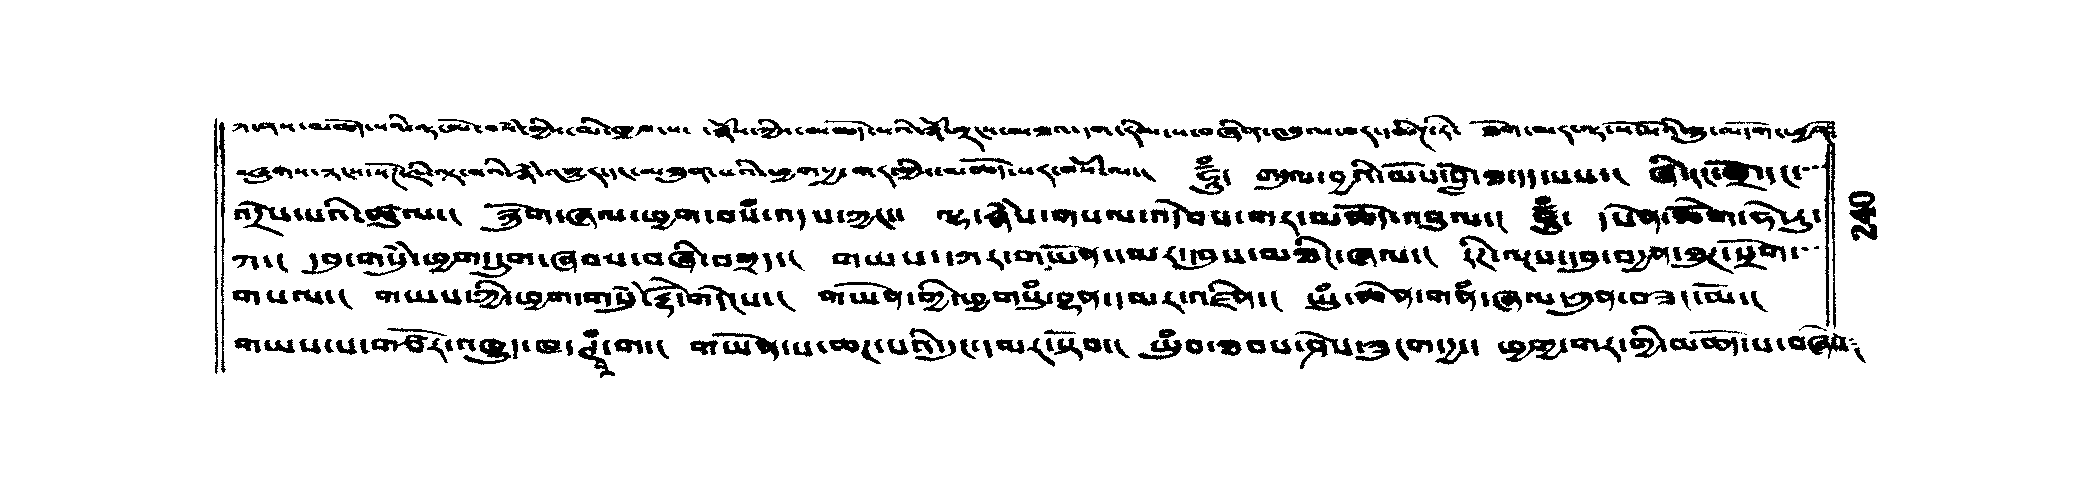ཀ་ནས་མཆོད་པའི་ལྷ་མོ་བསམ་གྱིས་མི་ཁྱབ་པ་རྣམས་ཀྱིས་མཆོད་པའི་རྣམ་གྲངས་མཐའ་དག་རིམ་པ་བཞིན་འབུལ་བར་དམིགས་ཏེ། ཐོག་མར་ལྷ་སོ་སོའི་སྐུ་མདོག་ཕྱག་མཚན་
བཞུགས་སྟངས་སོགས་ཇི་ལྟ་བའི་རྣམ་འགྱུར་དང་མཐུན་པའི་ཕྱག་རྒྱ་གར་གྱི་མཆོད་པ་བསམ་ལ། ཧཱུྃ། གདུལ་བྱའི་མོས་བློ་ཐ་དད་པས། །ཞི་དང་ཁྲོ་དང་
འདྲེས་པའི་ཚུལ། །སྐུ་མདོག་ཞལ་ཕྱག་བསམ་འདས་ཀྱང་། །ལྷ་ནམས་གསལ་འདེབས་གར་ཆོད་འབུལ། ། ཧཱུྃ། སྡེ་དཔོན་ཆེ་མཆོག་ཧེ་རུ་
ཀ། །དབུ་གསུམ་ཕྱག་དྲུག་ཞབས་བཞི་བགྲད། །གཡས་དཀར་གཡོན་དམར་དབུས་མཐིང་ཞལ། །རིགས་ལྔས་དབུ་བརྒྱན་ཐུགས་སྲོག་
གསལ། ། གཡས་ཀྱི་ཕྱག་གསུམ་རྡོ་རྗེ་གདེངས། །གཡོན་གྱི་ཕྱག་གསུམ་བྷན་དམར་འཛིན། །ཡུམ་ཆེན་གནམ་ཞལ་ཀུན་བཟང་མོ། །
གཡས་པ་གཙོར་འཁྱུད་ཁ་ཊྭཱ་ག་གཡོན་པ་ཆགས་པའི་དུང་དམར་སྟོབ། །ཡབ་ཡུམ་ཐབས་ཤེས་ཟུང་འཇུག་རྒྱ། །ཕྱག་རྒྱ་གར་གྱི་མཆོད་པ་བཞེས། །